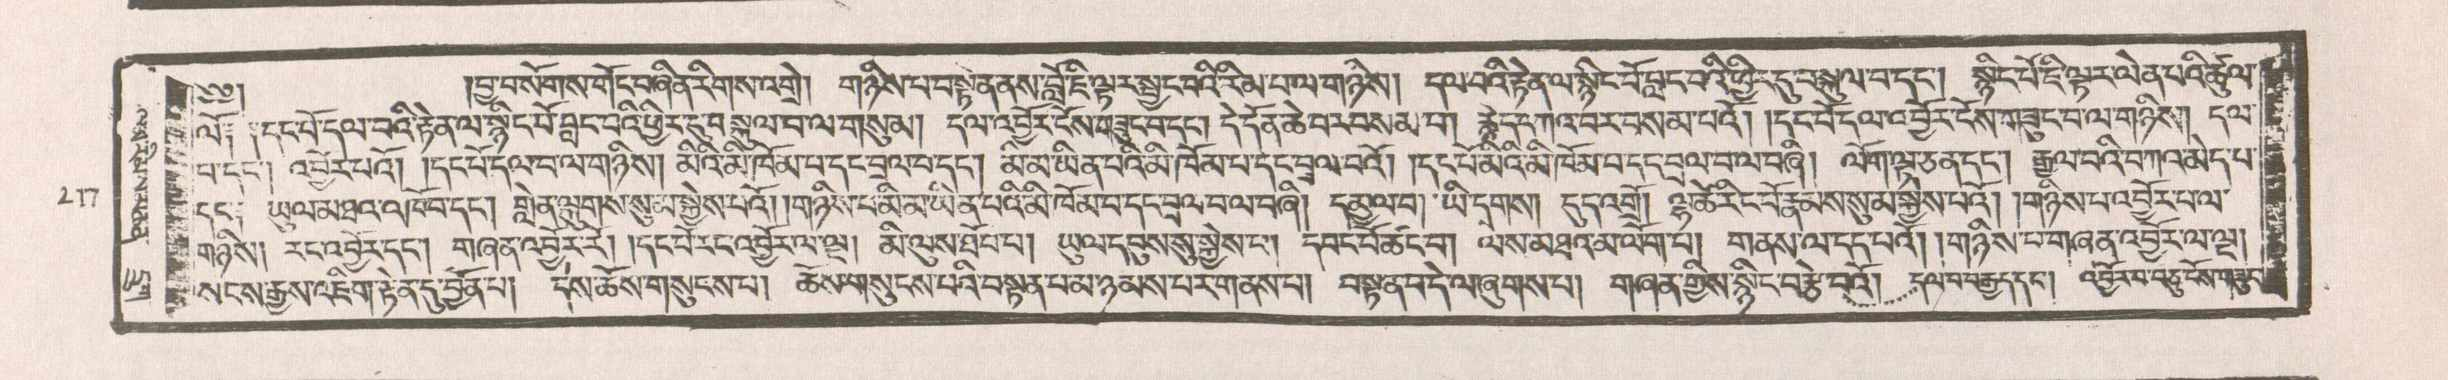༄༅། །བྱ་བ་སོགས་གོང་བཞིན་རིགས་འགྲེ། གཉིས་པ་བསྟེན་ནས་བློ་ཇི་ལྟར་སྦྱང་བའི་རིམ་པ་ལ་གཉིས། དལ་བའི་རྟེན་ལ་སྙིང་པོ་བླང་བའི་ཕྱིར་དུ་བསྐུལ་བ་དང་། སྙིང་པོ་ཇི་ལྟར་ལེན་པའི་ཚུལ་
ལོ༑ ༑དང་པོ་དལ་བའི་རྟེན་ལ་སྙིང་པོ་བླང་བའི་ཕྱིར་དུ་བསྐུལ་བ་ལ་གསུམ། དལ་འབྱོར་ངོས་གཟུང་བ་དང་། དེ་དོན་ཆེ་བར་བསམ་པ། རྙེད་དཀའ་བར་བསམ་པའོ། །དང་པོ་དལ་འབྱོར་ངོས་གཟུང་བ་ལ་གཉིས། དལ་
བ་དང་། འབྱོར་པའོ། །དང་པོ་དལ་བ་ལ་གཉིས། མིའི་མི་ཁོམ་པ་དང་བྲལ་བ་དང་། མི་མ་ཡིན་པའི་མི་ཁོམ་པ་དང་བྲལ་བའོ། །དང་པོ་མིའི་མི་ཁོམ་པ་དང་བྲལ་བ་ལ་བཞི། ལོག་ལྟ་ཅན་དང་། རྒྱལ་བའི་བཀའ་མེད་པ་
དང༑ ཡུལ་མཐའ་འཁོབ་དང་། གླེན་ལྐུགས་སུ་མ་སྐྱེས་པའོ། །གཉིས་པ་མི་མ་ཡིན་པའི་མི་ཁོམ་པ་དང་བྲལ་བ་ལ་བཞི། དམྱལ་བ། ཡི་དྭགས། དུད་འགྲོ། ལྷ་ཚེ་རིང་པོ་རྣམས་སུ་མ་སྐྱེས་པའོ། །གཉིས་པ་འབྱོར་པ་ལ་
གཉིས། རང་འབྱོར་དང་། གཞན་འབྱོར་རོ། །དང་པོ་རང་འབྱོར་ལ་ལྔ། མི་ལུས་ཐོབ་པ། ཡུལ་དབུས་སུ་སྐྱེས་པ། དབང་པོ་ཚང་བ། ལས་མཐའ་མ་ལོག་པ། གནས་ལ་དད་པའོ། །གཉིས་པ་གཞན་འབྱོར་ལ་ལྔ།
སངས་རྒྱས་འཇིག་རྟེན་དུ་བྱོན་པ། དེས་ཆོས་གསུངས་པ། ཆོས་གསུངས་པའི་བསྟན་པ་མ་ཉམས་པར་གནས་པ། བསྟན་པ་དེ་ལ་ཞུགས་པ། གཞན་གྱིས་སྙིང་བརྩེ་བའོ། དལ་པ་བརྒྱད་དང་། འབྱོར་པ་བཅུ་ངོས་གཟུང